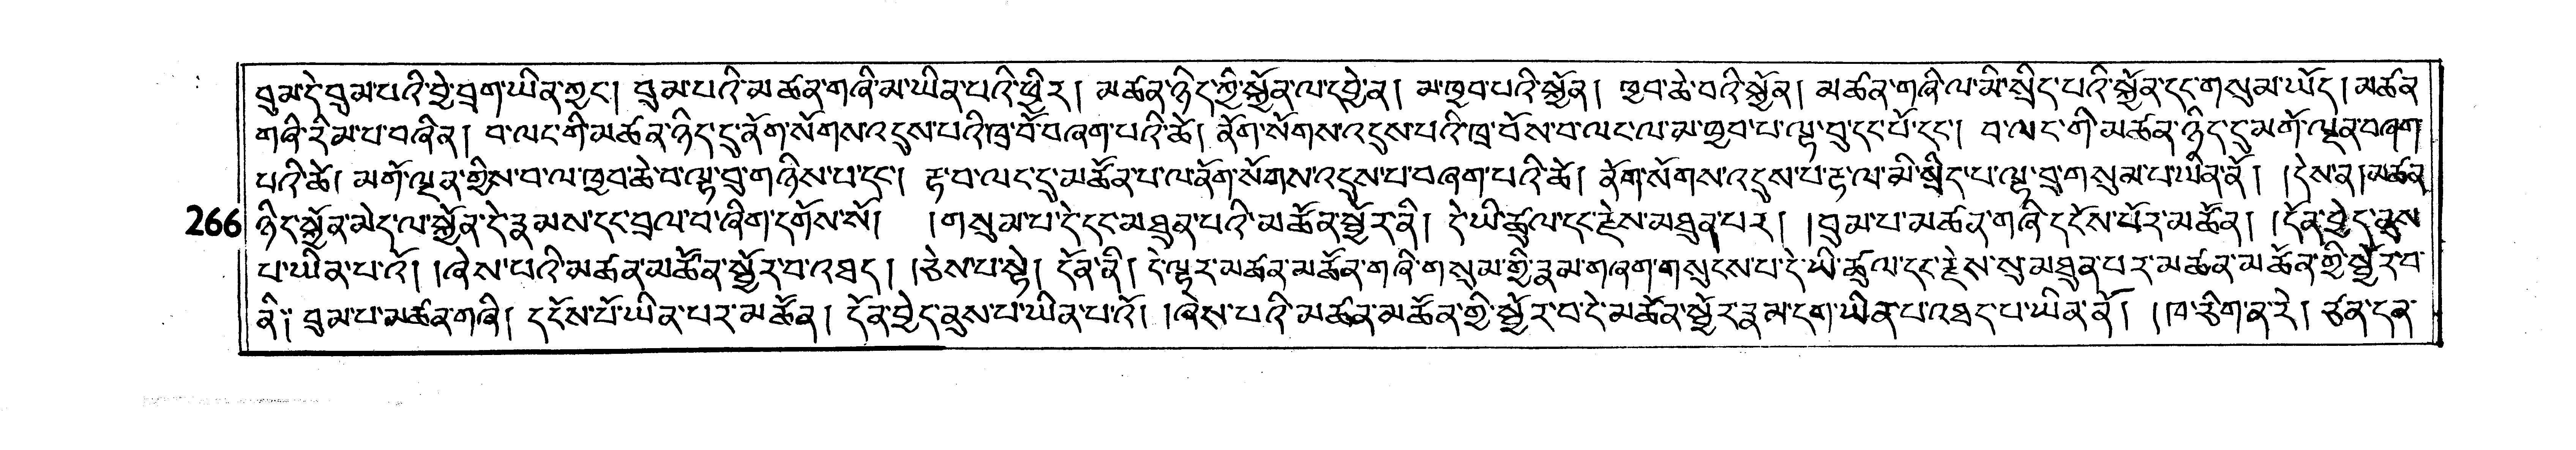བུམ་དེ་བུམ་པའི་བྱེ་བྲག་ཡིན་ཀྱང་། བུམ་པའི་མཚན་གཞི་མ་ཡིན་པའི་ཕྱིར། མཚན་ཉིད་ཀྱི་སྐྱོན་ལ་དབྱེ་ན། མ་ཁྱབ་པའི་སྐྱོན། ཁྱབ་ཆེ་བའི་སྐྱོན། མཚན་གཞི་ལ་མི་སྲིད་པའི་སྐྱོན་དང་གསུམ་ཡོད། མཚན་
གཞི་རིམ་པ་བཞིན། བ་ལང་གི་མཚན་ཉིད་དུ་ནོག་སོགས་འདུས་པའི་ཁྲ་བོ་བཞག་པའི་ཚེ། ནོག་སོགས་འདུས་པའི་ཁྲ་བོས་བ་ལང་ལ་མ་ཁྱབ་པ་ལྟ་བུ་དང་པོ་དང་། བ་ལང་གི་མཚན་ཉིད་དུ་མགོ་ལྡན་བཞག་
པའི་ཚེ། མགོ་ལྡན་གྱིས་བ་ལ་ཁྱབ་ཆེ་བ་ལྟ་བུ་གཉིས་པ་དང་། རྟ་བ་ལང་དུ་མཚོན་པ་ལ་ནོག་སོགས་འདུས་པ་བཞག་པའི་ཚེ། ནོག་སོགས་འདུས་པ་རྟ་ལ་མི་སྲིད་པ་ལྟ་བུ་གསུམ་པ་ཡིན་ནོ། །དེས་ན། མཚན་
ཉིད་སྐྱོན་མེད་ལ་སྐྱོན་དེ་རྣམས་དང་བྲལ་བ་ཞིག་དགོས་སོ། །གསུམ་པ་དེ་དང་མཐུན་པའི་མཚོན་སྦྱོར་ནི། དེ་ཡི་ཚུལ་དང་རྗེས་མཐུན་པར། །བུམ་པ་མཚན་གཞི་དངོས་པོར་མཚོན། །དོན་བྱེད་ནུས་
པ་ཡིན་པའོ། །ཞེས་པའི་མཚན་མཚོན་སྦྱོར་བ་འཐད། །ཅེས་པ་སྟེ། དོན་ནི། དེ་ལྟར་མཚན་མཚོན་གཞི་གསུམ་གྱི་རྣམ་གཞག་གསུངས་པ་དེ་ཡི་ཚུལ་དང་རྗེས་སུ་མཐུན་པར་མཚན་མཚོན་གྱི་སྦྱོར་བ་
ནི༑ བུམ་པ་མཚན་གཞི། དངོས་པོ་ཡིན་པར་མཚོན། དོན་བྱེད་ནུས་པ་ཡིན་པའོ། །ཞེས་པའི་མཚན་མཚོན་གྱི་སྦྱོར་བ་དེ་མཚོན་སྦྱོར་རྣམ་དག་ཡིན་པ་འཐད་པ་ཡིན་ནོ། །ཁ་ཅིག་ན་རེ། ཙན་དན་